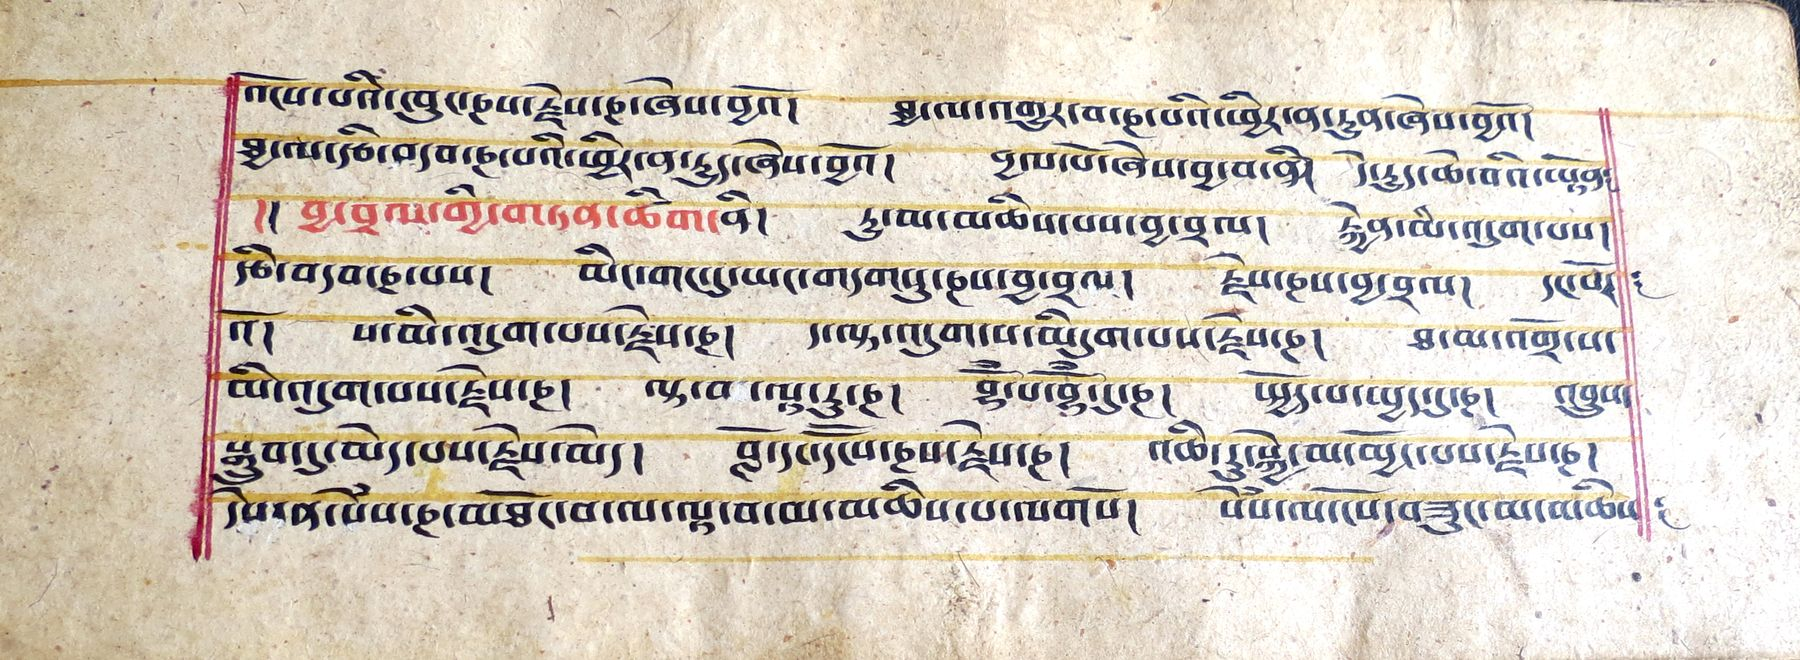འོང་བའི་ཁུངས་མེད་པས་རྗེས་མེད་ཅེས་བྱའོ། །ཐུགས་ལ་འགྱུར་བ་མེད་པའི་ཕྱིར་ན་རྒྱུད་ཅེས་བྱའོ། །
ཐུགས་ལ་རྩིས་གདབ་མེད་པའི་ཕྱིར་ན་རྒྱུད་ཅེས་བྱའོ། །དེ་རྒྱུད་ཆེ་བའི་ཡོན་ཏན་
ནོ། །བྱ་བྲལ་གྱི་གཏན་ཚིགས་ནི། རྒྱུ་མ་མཆིས་པས་བྱ་བྲལ། རྐྱེན་མི་འདུག་པས་
བྱ་བྲལ། རྩིས་གདབ་མེད་པས་བྱ་བྲལ། མིང་གང་དུ་ཡང་གདགས་སུ་མེད་པས་བྱ་བྲལ། རྗེས་མེད་ནི། དང་པོར་
འོང་ས་མི་འདུག་པས་རྗེས་མེད། ད་ལྟ་འདུག་ས་མི་འདུག་པས་རྗེས་མེད། ཐ་མར་འགྲོ་ས་
མི་འདུག་པས་རྗེས་མེད། ལྟ་བ་ལྟ་རུ་མེད་པས་རྗེས་མེད། སྒོམ་པ་སྒོམ་དུ་མེད་པས་རྗེས་མེད། སྤྱོད་པ་སྤྱད་དུ་མེད་པས་རྗེས་མེད། འབྲས་བུ་
བསྒྲུབ་ཏུ་མེད་པས་རྗེས་མེད། བློ་དང་དངོས་པོ་མེད་པས་རྗེས་མེད། འཆི་རུ་སྐྱེ་མ་མྱོང་པས་རྗེས་མེད། 
དེས་ན་སེམས་མ་མཐོང་བས་ལྟ་བ་མ་མཆིས་པ་ལགས་སོ། །སེམས་ལ་ངོས་བཟུང་མ་མཆིས་